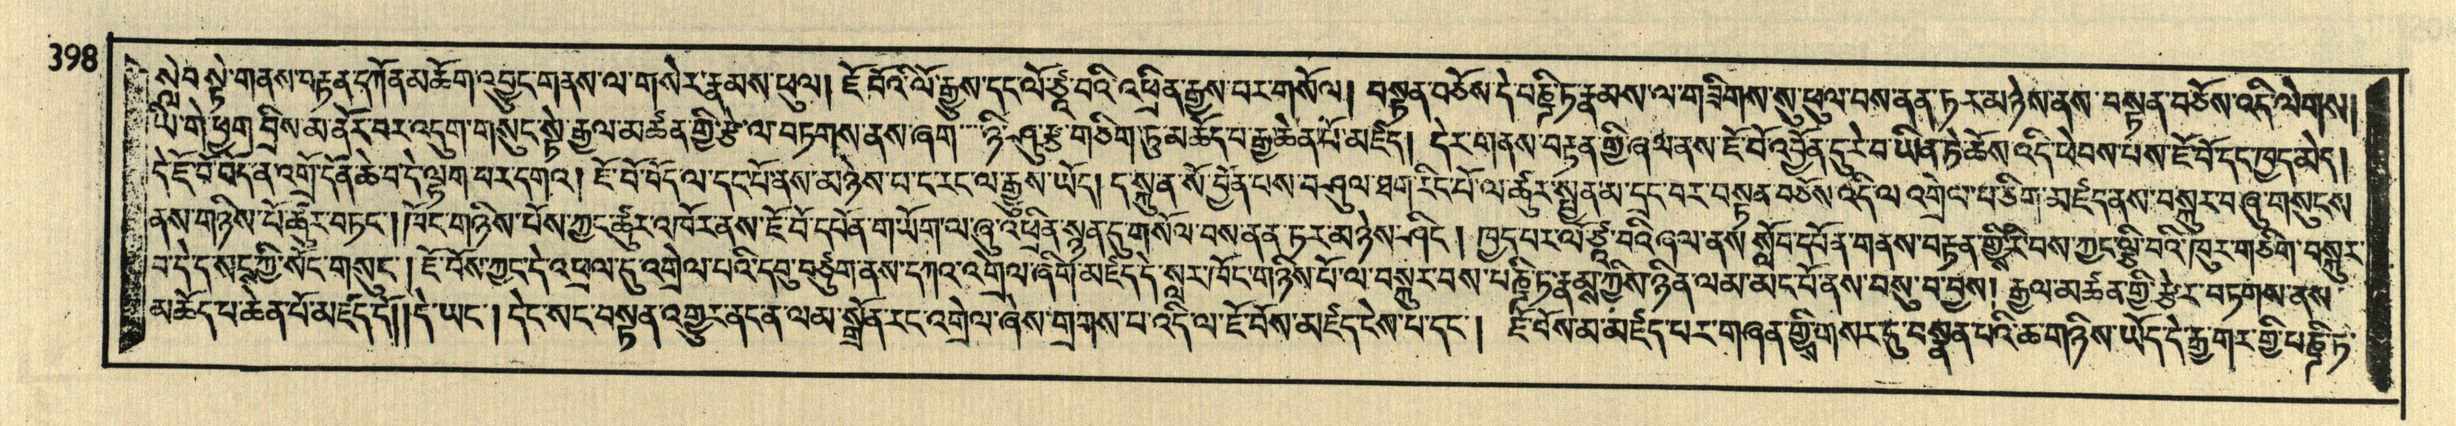སླེབ་སྟེ་གནས་བརྟན་དཀོན་མཆོག་འབྱུང་གནས་ལ་གསེར་རྣམས་ཕུལ། ཇོ་བོའི་ལོ་རྒྱུས་དང་ལོ་ཙཱ་བའི་འཕྲིན་རྒྱས་བར་གསོལ། བསྟན་བཅོས་དེ་པཎྜི་ཏ་རྣམས་ལ་གཟིགས་སུ་ཕུལ་བས་ནན་ཏར་མཉེས་ནས་བསྟན་བཅོས་འདི་ལེགས།
ཡི་གེ་ཕྱག་བྲིས་མ་ནོར་བར་འདུག་གསུང་སྟེ་རྒྱལ་མཚན་གྱི་རྩེ་ལ་བཏགས་ནས་ཞག་ཉི་ཤུ་རྩ་གཅིག་ཏུ་མཆོད་པ་རྒྱ་ཆེན་པོ་མཛད། དེར་གནས་བརྟན་གྱི་ཞལ་ནས་ཇོ་བོ་འབྱོན་དུ་རེ་བ་ཡིན་ཏེ་ཆོས་འདི་ཕེབས་པས་ཇོ་བོ་དང་ཁྱད་མེད།
དེ་ཇོ་བོ་བོད་ན་འགྲོ་དོན་ཆེ་བ་དེ་ལྷག་པར་དགའ། ཇོ་བོ་བོད་ལ་དང་པོ་ནས་མཉེས་པ་ང་རང་ལ་རྒྱུས་ཡོད། ད་སྐུ་ན་སོ་བྱོན་པས་བཤུལ་ཐག་རིང་པོ་ལ་ཚུར་སྦྱན་མ་དྲང་བར་བསྟན་བཅོས་འདི་ལ་འགྲེལ་བ་ཅིག་མཛད་ནས་བསྐུར་བ་ཞུ་གསུངས་
ནས་གཉིས་པོ་ཚུར་བཏང་། ཁོང་གཉིས་པོས་ཀྱང་ཚུར་འཁོར་ནས་ཇོ་བོ་དཔོན་གཡོག་ལ་ཞུ་འཕྲིན་སྙན་དུ་གསོལ་བས་ནན་ཏར་མཉེས་ཤིང་། ཁྱད་པར་ལོ་ཙཱ་བའི་ཞལ་ནས་སློབ་དཔོན་གནས་བརྟན་གྱིས་རི་བས་ཀྱང་ལྕི་བའི་ཁུར་གཅིག་བསྐུར་
བ་དེ་ད་སངས་ཀྱི་སོང་གསུང་། ཇོ་བོས་ཀྱང་དེ་འཕྲལ་དུ་འགྲེལ་པའི་དབུ་བཙུག་ནས་དཀའ་འགྲེལ་ཞིག་མཛེས་དེ་སླར་ཁོང་གཉིས་པོ་ལ་བསྐུར་བས་པཎྜི་ཏ་རྣམས་ཀྱིས་ཉིན་ལམ་མང་པོ་ནས་བསུ་བ་བྱས། རྒྱལ་མཚན་གྱི་རྩེར་བཏགས་ནས་
མཆོད་པ་ཆེན་པོ་མཛད་དོ། །དེ་ཡང་། དེང་སང་བསྟན་འགྱུར་ནང་ན་ལམ་སྒྲོན་རང་འགྲེལ་ཞེས་གྲགས་པ་འདི་ལ་ཇོ་བོས་མཛད་ངེས་པ་དང་། ཇོ་བོས་མ་མཛད་པར་གཞན་གྱིས་གསར་དུ་བསྣན་པའི་ཆ་གཉིས་ཡོད་དེ་རྒྱ་གར་གྱི་པཎྜི་ཏ་